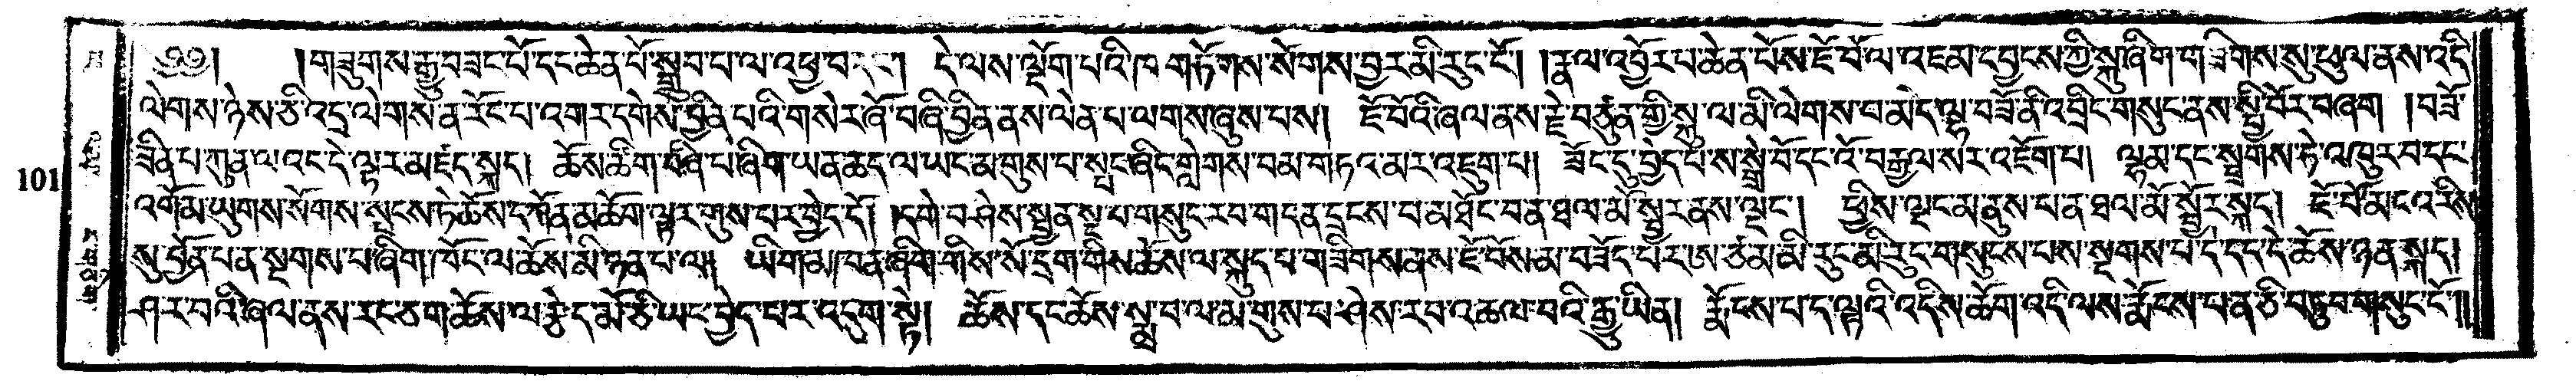༄༅། །གཟུགས་རྒྱུ་བཟང་པོ་དང་ཆེན་པོ་སྒྲུབ་པ་ལ་འཕྱ་བ་དང་། དེ་ལས་ལྡོག་པའི་ཁ་གཏོགས་སོགས་བྱར་མི་རུང་ངོ། །རྣལ་འབྱོར་པ་ཆེན་པོས་ཇོ་བོ་ལ་འཇམ་དབྱངས་ཀྱི་སྐུ་ཞིག་གཟིགས་སུ་ཕུལ་ནས་འདི་
ལེགས་ཉེས་ཅི་འདྲ་ལེགས་ན་རོང་པ་འགར་དགེས་བྱིན་པའི་གསེར་ཞོ་བཞིན་བྱིན་ནས་ལེན་པ་ལགས་ཞུས་པས། ཇོ་བོའི་ཞལ་ནས་རྗེ་བཙུན་གྱི་སྐུ་ལ་མི་ལེགས་པ་མེད་ལྷ་བཟོ་ནི་འབྲིང་གསུང་ནས་སྤྱི་བོར་བཞག །བཟོ་
ཟིན་པ་ཀུན་ལའང་དེ་ལྟར་མཛད་སྐད། ཆོས་ཚིག་བཞི་པ་ཞིག་ཡན་ཆད་ལ་ཡང་མ་གུས་པ་སྤང་ཞིང་གླེགས་བམ་གཏའ་མར་འཇུག་པ། ཟོང་དུ་བྱེད་པ་ས་སྒྲེ་བོ་དང་འོ་བརྒྱལ་སར་འཇོག་པ། ལྷམ་དང་སྦྲགས་ཏེ་འཁུར་བ་དང་
འགོམ་ཡུགས་སོགས་སྤངས་ཏེ་ཆོས་དཀོན་མཆོག་ལྟར་གུས་པར་བྱེད་དོ། །དགེ་བཤེས་སྤྱན་སྔ་པ་གསུང་རབ་གདན་དྲངས་པ་མཐོང་པ་ན་ཐལ་མོ་སྦྱར་ནས་ལྡང་། ཕྱིས་ལྔང་མ་ནུས་པ་ན་ཐལ་མོ་སྦྱོར་སྐྱད། ཇོ་བོ་མངའ་རིས་
སུ་བྱོན་པ་ན་སྔགས་པ་ཞིག་ཁོང་ལ་ཆོས་མི་ཉན་པ་ལ། ཡིག་མཁན་ཞིག་གིས་སོ་དྲག་གིས་ཆོས་ལ་སྐུད་པ་གཟིགས་ནས་ཇོ་བོས་མ་བཟོད་པར་ཨ་ཙམ་མི་རུང་མི་རུང་གསུངས་པས་སྔགས་པ་དེ་དང་དེ་ཆོས་ཉན་སྐད།
ཤ་ར་བའི་ཞལ་ནས་རང་ཅག་ཆོས་ལ་རྩེད་མོ་ཅི་ཡང་བྱེད་པར་འདུག་སྟེ། ཆོས་དང་ཆོས་སྨྲ་བ་ལ་མ་གུས་པ་ཤེས་རབ་འཆལ་བའི་རྒྱུ་ཡིན། རྨོངས་པ་ད་ལྟའི་འདིས་ཆོག་འདི་ལས་རྨོངས་པ་ན་ཅི་བཏུབ་གསུང་ངོ །།